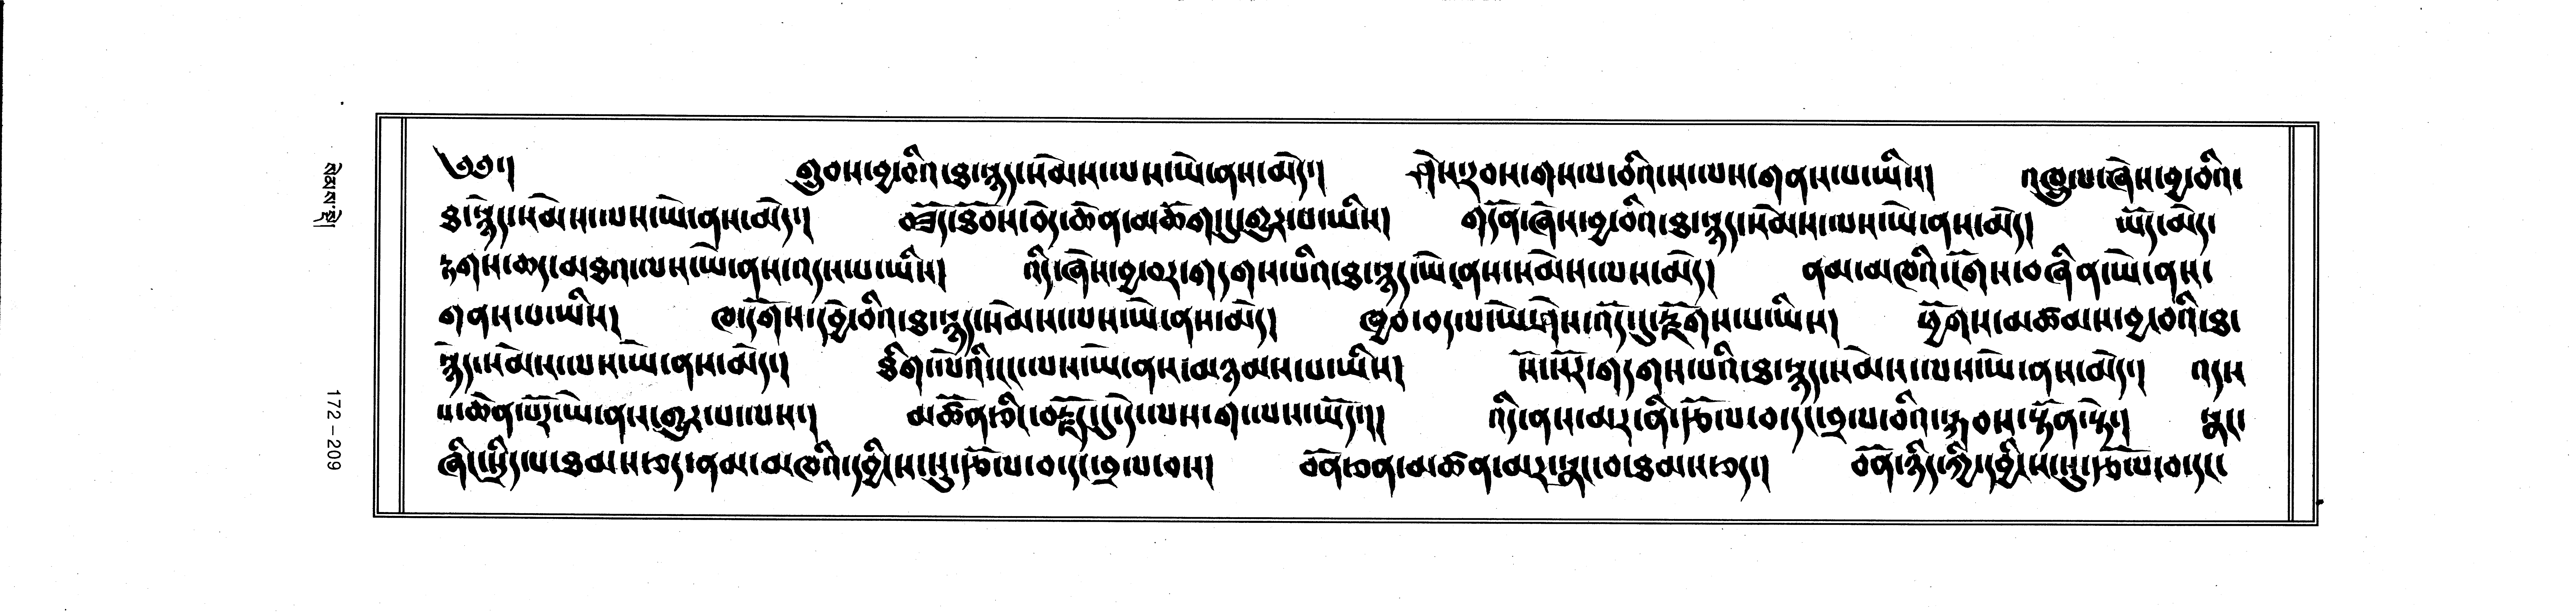གྲུབས་བྱ་བའི་ཐ་སྙེད་སེམས་ལས་ཡེ་ནས་མེད། ཤེས་རབ་གསལ་བའི་ས་ལས་གནས་པ་ཡིས། འཁྲུལ་ཞེས་བྱ་བའི་
ཐ་སྙེད་སེམས་ལས་ཡེ་ནས་མེད། བཟོད་ཐོབས་བདེ་ཆེན་མཆོག་དུ་གྱུར་པ་ཡིས། གདོན་ཞེས་བྱ་བའི་ཐ་སྙེད་སེམས་ལས་ཡེ་ནས་མེད། ཡོད་མེད་
རྟགས་ཆད་མཐའ་ལས་ཡེ་ནས་འདས་པ་ཡིས། འདི་ཞེས་བྱ་བར་གདགས་པའི་ཐ་སྙེད་ཡེནས་སེམས་ལས་མེད། ནམ་མཁའི་ངོགས་བཞིན་ཡེ་ནས་
གནས་པ་ཡིས། ཁ་དོག་དབྱེ་བའི་ཐ་སྙད་སེམས་ལས་ཡེ་ནས་མེད། ཁྱབ་བདལ་ཡེ་ཤེས་འོད་དུ་རྫོགས་པ་ཡིས། ཕྱོགས་མཚམས་བྱང་བའི་ཐ་
སྙེད་སེམས་ལས་ཡེ་ནས་མེད། ཐིག་ལེའི་ངང་ལས་ཡེ་ནས་མཉམས་པ་ཡིས། སོ་སོར་གདགས་པའི་ཐ་སྙེད་སེམས་ལས་ཡེ་ནས་མེད། འདས་
པ་ཆེན་པོར་ཡེ་ནས་གྱུར་པ་ལས། མཚོན་ཅིང་བརྗོད་དུ་དེ་ལས་ག་ལས་ཡོད། འདི་ནས་མར་ནི་རྩོལ་བ་དང་བྲལ་བའི་སྐབས་སྟོན་སྟེ། སྣང་
ཞིང་སྲིད་པ་ཐམས་ཅད་ནམ་མཁའི་དབྱིངས་སུ་རྩོལ་བ་དང་བྲལ་བས། བོན་ཅན་མཚན་མར་སྣང་བ་ཐམས་ཅད། བོན་ཉིད་ཀྱི་དབྱིངས་སུ་རྩོལ་བ་དང་